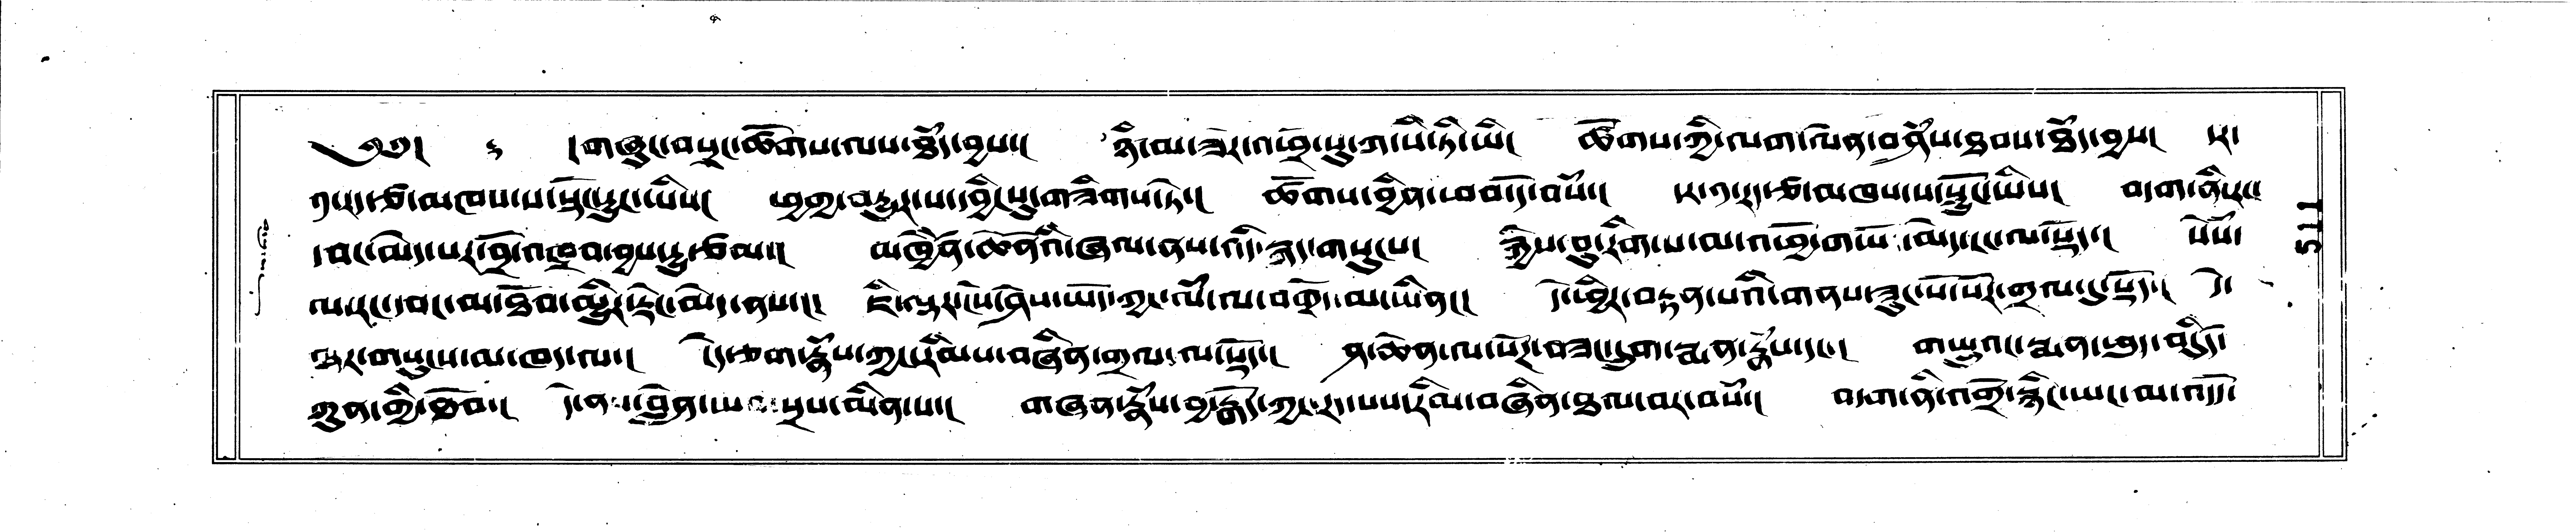གཞུང་བསྲང་ཚོགས་ལས་ཐམས་ཅད་བྱས། ཉི་མ་སུ་‘‘ཟེར”འཕྲོ་འཕྲོ་སྡུག་སུ་‘‘ཀ”སི་ཏི་ཡིས། ཚོགས་ཀྱི་ལག་ལེན་བཤམས་དར་ཐམས་ཅད་བྱས། དར་
ཅིག་རད་ཙ་མཁས་པ་སྟོང་རྒྱུང་གྱི་ ཕྱག་རྒྱ་བསྒྱུར་ཞིང་དབྱིངས་སུ་གཟིགས། ཚོགས་བྱིན་ཕབ་བདོ་བསམ། བདག་ནི་རང་
དབང་མེད་པར་བྲོ་འཁྲབ་བྱས་རྒྱུག་ཙ། མཁྱེན་བརྩེ་ཆེན་པོའི་ཞལ་ནས་འདི་སྐད་གསུངས། སྐྱེས་བུ་རིག་པ་མ་འཕྱོ་གཡོ་མེད་ངང་ལ་སྟོད། སེམས་
ལ་རང་དབང་མ་ཐོབ་མི་གྱུར་ལྡིང་༼གདེང་༽མེད་ནས། ཅི་ལྟར་ངེས་ཤེས་ཡོད་ཀྱང་ལམ་ལ་བསྒྲོད་དུས་ཡིན་༼མིན༽། དེ་ཕྱིར་བརྟེན་པའི་གནས་ཟུང་སོ་སོར་གྲལ་ལ་སྡོད། དེ་
ལྟར་གསུངས་པའི་ཁད་ལ་ནི། ངེད་ཅག་རྣམས་ཀྱང་རིམ་བཞིན་གྲལ་ལ་བསྡད། ཤ་ཆེན་ལ་སོགས་བཟང་དྲུག་སྨན་རྣམས་དང་། གཡུ་འབྲང་བདུད་རྩི་སྨན་ཕུད་
ཀུན་གྱི་ཐོབ། དེ་ནས་བླ་ཆེན་ཡབ་སྲས་མེན་པ། གཞན་རྣམས་བྱ་རྒོད་ཀྱང་རེད་པས་རིམ་བཞིན་ཐལ་བསམ། བདག་ནི་འགྲོ་སྙིང་མ་འདོད་